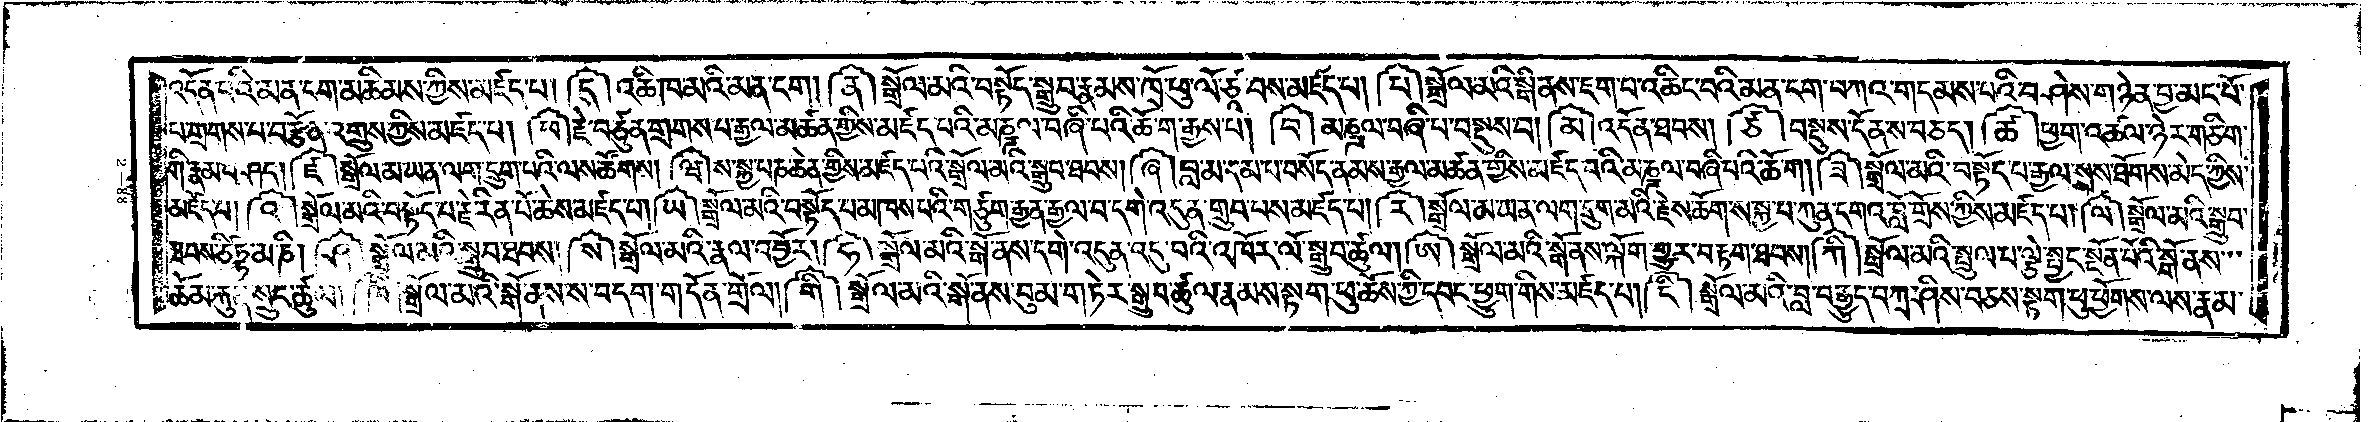འདོན་པའི་མན་ངག་མཆིམས་ཀྱིས་མཛད་པ། ༼ད༽ འཆི་ཁ་མའི་མན་ངག། ༼ན༽ སྒྲོལ་མའི་བསྟོད་སྒྲུབ་རྣམས་ཁྲོ་ཕུ་ལོ་ཙཱ་བས་མཛད་པ། ༼པ༽ སྒྲོལ་མའི་སྒོ་ནས་ཇག་པ་འཆིང་བའི་མན་ངག་བཀའ་གདམས་པའི་བཤེས་གཉེན་བྱ་མང་པོ་
འགྲགས་པ་བརྩོན་འགྲུས་ཀྱིས་མཛད་པ། ༼ཕ༽ རྗེ་བཙུན་གྲགས་པ་རྒྱལ་མཚན་གྱིས་མཛད་པའི་མཎྜལ་བཞི་པའི་ཆོ་ག་རྒྱས་པ། ༼བ༽ མཎྜལ་བཞི་པ་བསྡུས་བ། ༼མ༽ འདོན་ཐབས། ༼ཙ༽ བསྡུས་དོན་ས་བཅད། ༼ཚ༽ ཕྱག་འཚལ་ཉེར་གཅིག་
གི་རྣམ་བཤད། ༼ཛ༽ སྒྲོལ་མ་ཡན་ལག་དྲུག་པའི་ལས་ཚོགས། ༼ཝ༽ ས་སྐྱ་པཎ་ཆེན་གྱིས་མཛད་པའི་སྒྲོལ་མའི་སྒྲུབ་ཐབས། ༼ཞ༽ བླ་མ་དམ་པ་བསོད་ནམས་རྒྱལ་མཚན་གྱིས་མཛད་བའི་མཎྜལ་བཞི་པའི་ཆོ་ག། ༼ཟ༽ སྒྲོལ་མའི་བསྟོད་པ་རྒྱལ་སྲས་ཐོགས་མེད་ཀྱིས་
མཛད་པ། ༼འ༽ སྒྲོལ་མའི་བསྟོད་པ་རྗེ་རིན་པོ་ཆེས་མཛད་པ། ༼ཡ༽ སྒྲོལ་མའི་བསྟོད་པ་མཁས་པའི་གཙུག་རྒྱན་རྒྱལ་བ་དགེ་འདུན་གྲུབ་པས་མཛད་པ། ༼ར༽ སྒྲོལ་མ་ཡན་ལག་དྲུག་མའི་རྗེས་ཆོགས་སྐྱ་པ་ཀུན་དགའ་བློ་གྲོས་ཀྱིས་མཛད་པ། ༼ལ༽ སྒྲོལ་མའི་སྒྲུབ་
ཐབས་ཙིཏྟ་མ་ཎི། ༼ཤ༽ སྒྲོལ་མའི་སྒྲུབ་ཐབས། ༼ས༽ སྒྲོལ་མའི་རྣལ་འབྱོར། ༼ཧ༽ སྒྲོལ་མའི་སྒོ་ནས་དགེ་འདུན་འདུ་བའི་འཁོར་ལོ་སྒྲུབ་ཚུལ། ༼ཨ༽ སྒྲོལ་མའི་སྒོ་ནས་ལྐོག་གྱུར་བརྟག་ཐབས། ༼ཀི༽ སྒྲོལ་མའི་སྤྲུལ་པ་ལྕེ་སྤྱང་སྔོན་པོའི་སྒོ་ནས་
ཆོམ་རྐུན་སྲུང་ཚུལ། ༼ཁི༽ སྒྲོལ་མའི་སྒོ་ནས་ས་བདག་གདོན་གྲོལ། ༼གི༽ སྒྲོལ་མའི་སྒོ་ནས་བུམ་གཏེར་སྒྲུབ་ཚུལ་རྣམས་སྟག་ཕུ་ཆོས་ཀྱི་དབང་ཕྱུག་གིས་མཛད་པ། ༼དི༽ སྒྲོལ་མའི་བླ་བརྒྱུད་བཀྲ་ཤིས་བཅས་སྟག་ཕུ་ཕྱོགས་ལས་རྣམ་